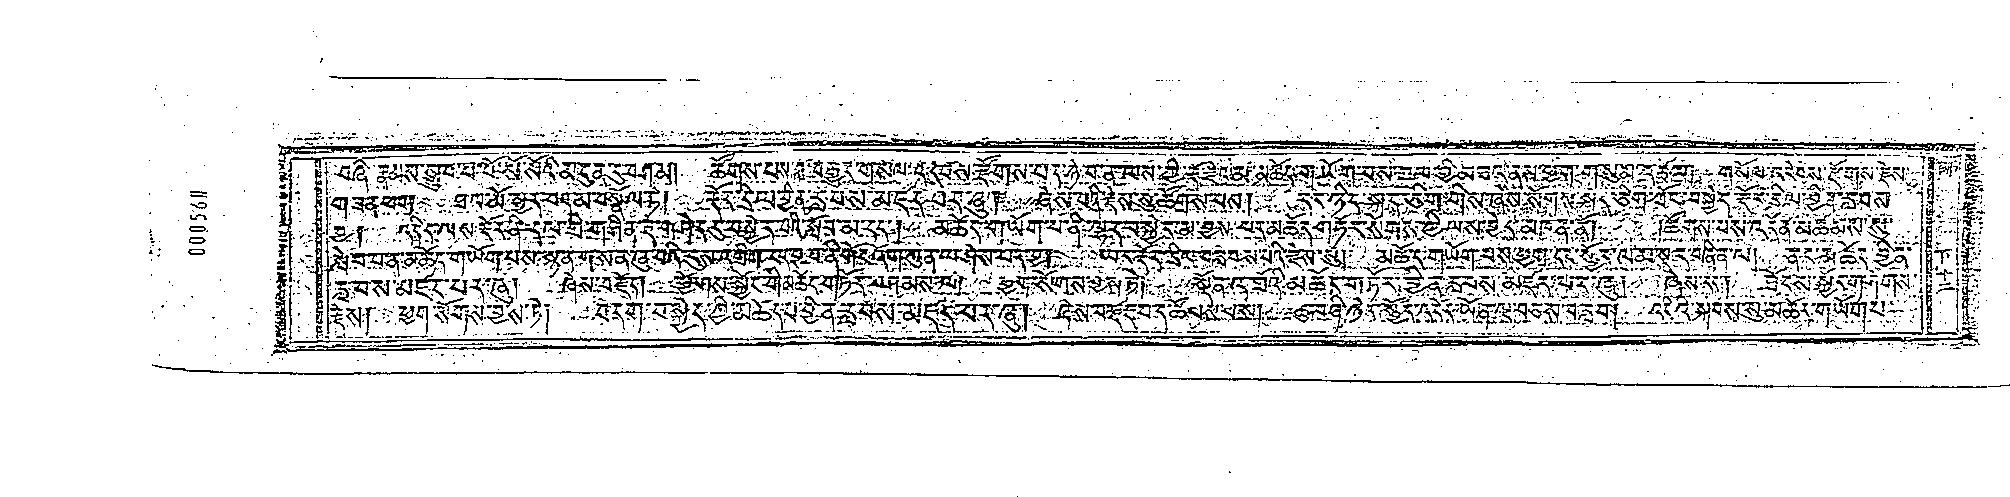བཞི་རྣམས་སྒྲུབ་པ་པོ་སོ་སོའི་མདུན་དུ་བཤམ། ཚོགས་པས་བླ་བརྒྱུད་གསོལ་འདེབས་རྫོགས་པར་ཉེ་བ་ན་ལས་ཀྱི་རྡོ་རྗེའམ་མཆོད་གཡོག་པས་གྲལ་གྱི་མཐའ་ནས་ཕྱག་གསུམ་འཚལ། གསོལ་འདེབས་རྫོགས་རྗེས་
གཟན་ཕབ། ཐལ་མོ་སྦྱར་བའམ་བསྣོལ་ཏེ། རྡོར་དྲེལ་བྱིན་རླབས་མཛད་པར་ཞུ། ཞེས་པའི་རྗེས་སུ་ཚོགས་པས། རང་ཉིད་སྐད་ཅིག་གིས་ཞེས་སོགས་སྐད་ཅིག་ཀྲོང་བསྐྱེད་རྡོར་དྲིལ་བྱིན་རླབས་
བྱ། འདིར་ལས་རྡོར་ནི་རལ་གྲི་གཤིན་རྗེ་གཤེད་དུ་བསྐྱེད་པའི་སློབ་མ་དང་། མཆོད་གཡོག་པ་ནི་ལྷར་བསྐྱེད་མ་བྱས་པར་མཆོད་གཏོར་སོགས་ཀྱི་ལས་བྱེད་མཁན་ནོ། །ཚོགས་པས་འདོན་མཚམས་སུ་
སླེབ་པ་ན་མཆོད་གཡོག་པས་སྙན་གསན་ཞུ་བའི་དུས་འགྲིག་པར་བྱ་བ་ནི་གོང་འོག་ཀུན་ལ་ཤེས་པར་བྱ། ཡང་རྡོར་དྲིལ་བརླབས་པའི་རྗེས་སུ། མཆོད་གཡོག་པས་ཕྱག་དང་སྤྱོད་ལམ་སྔར་བཞིན་ལ། ནང་མཆོད་བྱིན་
རླབས་མཛད་པར་ཞུ། ཞེས་བརྗོད། ཕྱོགས་སྐྱོང་གི་མཆོད་གཏོར་བཤམས་ལ། ཕྱག་སོགས་བྱས་ཏེ། སྔོན་འགྲོའི་མཆོད་གཏོར་བྱིན་རླབས་མཛད་པར་ཞུ། ཞེས་དང་། ཐོངས་སྐྱོང་གཤེགས་
རྗེས། ཕྱག་སོགས་བྱས་ཏེ༑ བདག་བསྐྱེད་ཀྱི་མཆོད་པ་བྱིན་རླབས་མཛད་པར་ཞུ། ཞེས་བརྗོད་པར་ཚོགས་པས། ཆུ་བཞི་ཉེར་སྤྱོད་འདོད་ཡོན་ལྔ་བཅས་བརླབ། འདིའི་སྐབས་སུ་མཆོད་གཡོག་པ་